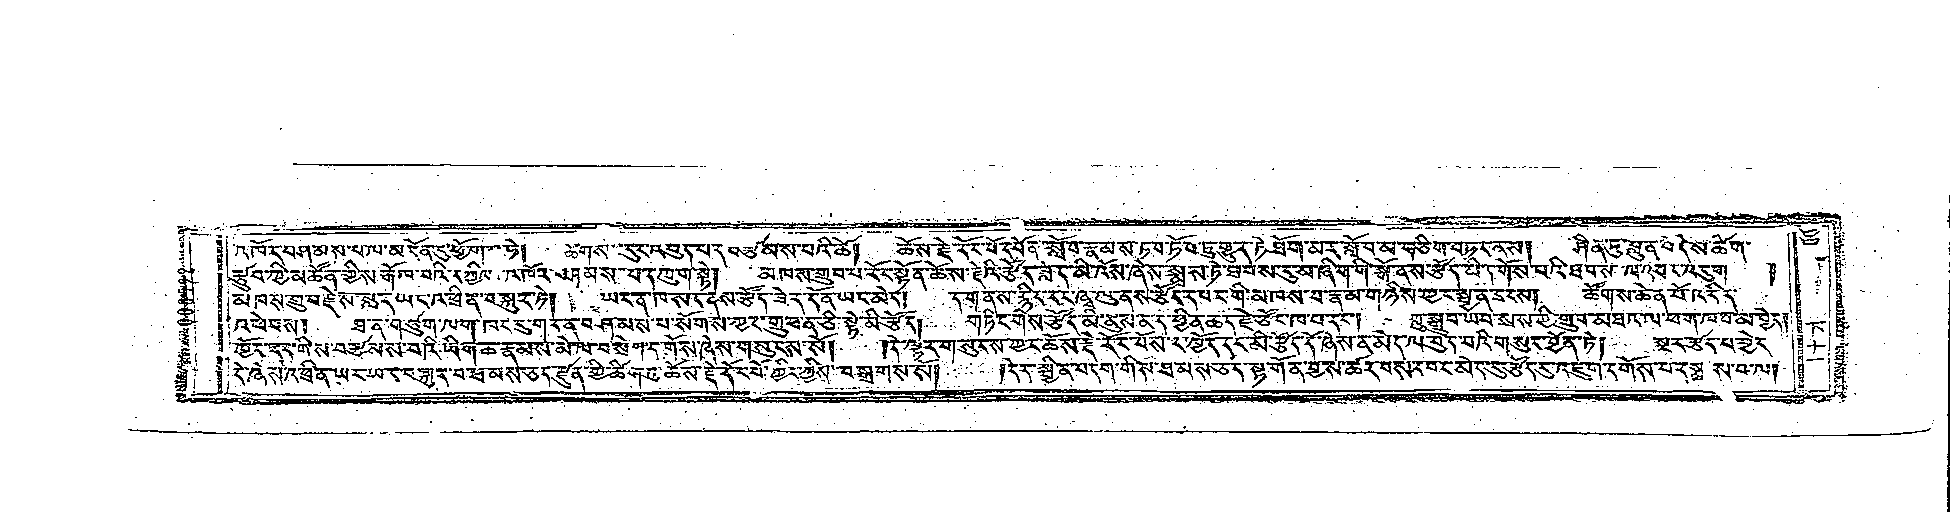འཁོར་བཤམས་པ་ལ་མངོན་དུ་ཕྱོགས་ཏེ། ཚོགས་དུང་འབུད་པར་བརྩམས་པའི་ཚེ། ཆོས་རྗེ་རིང་པོ་དཔོན་སློབ་རྣམས་ཏབ་ཏོབ་ཏུ་གྱུར་ཏེ་ཐོག་མར་སློབ་མ་གཅིག་བཏང་ནས། ཤིན་ཏུ་བླུན་པ་དེས་ཚིག་
རྩུབ་ཀྱི་མཚོན་གྱིས་རྒོལ་བའི་དཀྱིལ་འཁོར་བཤམས་པ་དཀྲུག་སྟེ། མཁས་གྲུབ་པ་རོང་སྟོན་ཆོས་རྗེའི་རྩོད་ཟླད་མི་འོས་ཞེས་སྨྲས་ཏེ་ཐམས་དུ་མ་ཞིག་གི་སྒོ་ནས་བརྩོད་མི་དགོས་པའི་ཐབས་ལ་འབར་འདུག།
མཁས་གྲུབ་རྗེས་སླར་ཡང་འཕྲིན་བསྐུར་ཏེ། ཡང་ན་ཁ་སང་ནས་རྩོད་ཟེར་དོན་ཡང་མེད། ད་གནས་རྙིང་དང་ཞྭ་ལུ་ནས་རྩོད་དཔང་མཁས་པ་རྣམས་གཉིས་ཀྱང་སྤྱན་དྲངས། ཚོགས་ཆེན་པོ་འདིར་
འཕེབས། ཐ་ན་བཙུག་ལག་ཁང་དུ་གདན་བཤམས་པ་སོགས་ཀྱང་གྲུབ་ན་ཅི་སྟེ་མི་རྩོད། གཏིང་གིས་རྩོད་མི་ནུས་ནད་ཕྱིན་ཆད་རྗེ་ཙོང་ཁ་པ་དང་། ཀླུ་སྒྲུབ་ཡབ་སྲས་ཀྱི་གྲུབ་མཐའ་ལ་ཕག་ལབ་མ་བྱེད།
ཁྱོད་དད་གིས་བརྩམས་བའི་ཡིག་ཆ་རྣམས་མེ་ལ་བསྲེག་དགོས་ཞེས་གསུངས་སོ། །དེ་ལྟར་གསུངས་ཀྱང་ཆོས་རྗེ་རོང་པོས་ང་ཁྱོད་དང་མི་རྩོད་དོ་ཞེས་ན་མེད་ལ་བུད་བའི་གསུང་བྱོན་ཏེ། སྔར་རྩད་པ་བྱེད་
དེ་ཞེས་འཕྲིན་ཡང་ཡང་བསྐུར་བ་ཐམས་ཅད་རྫུན་གྱི་ཚིག་ཏུ་ཆོས་རྗེ་རོང་པོ་ཀྱིང་ཀྱིས་བསྒྲགས་སོ། །དེར་སྦྱིན་བདག་གིས་ཐམས་ཅད་སྟ་གོན་བྱས་ཚར་བས་དབང་མེད་དུ་རྩོད་དུ་འཇུག་དགོས་པར་སྒྲས་བ་ལ།